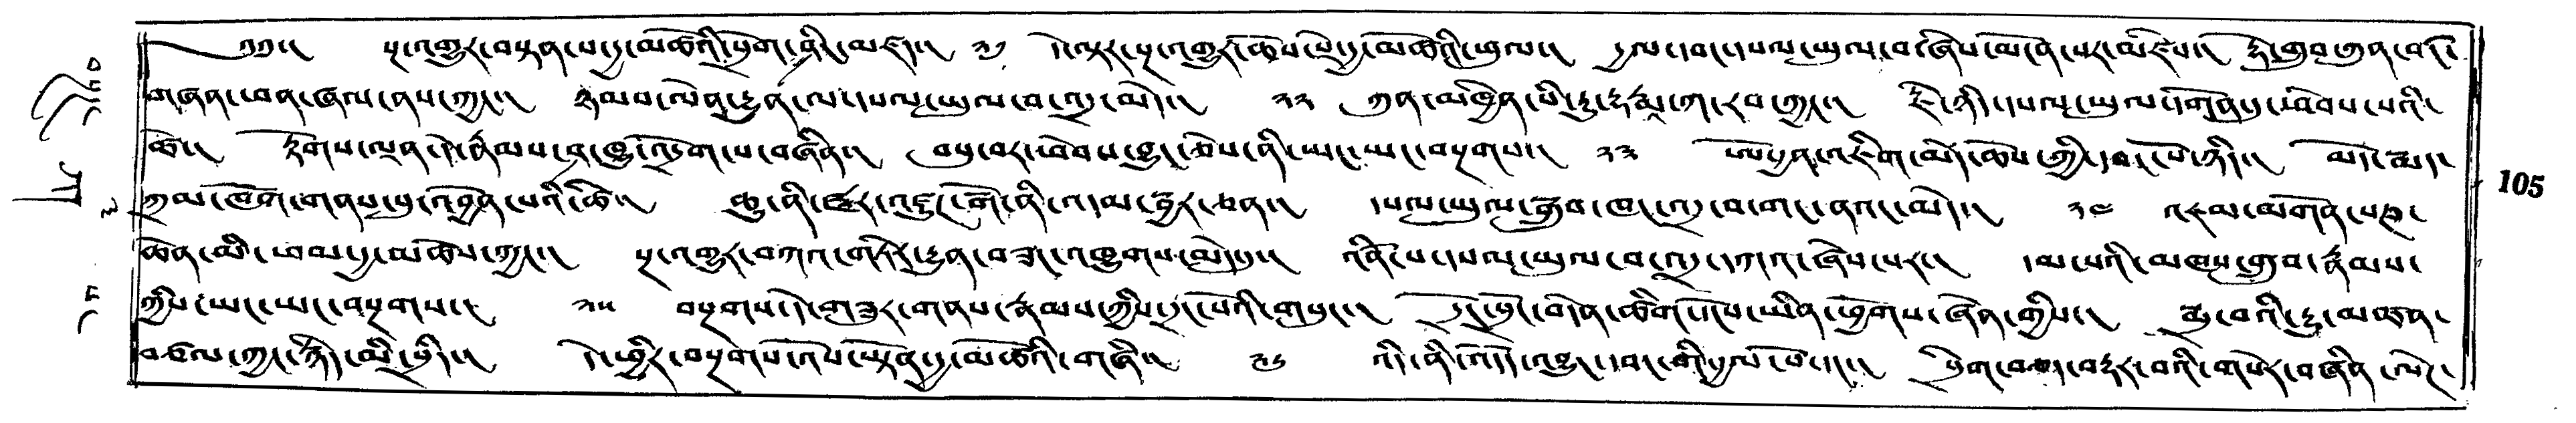སྔ་འགྱུར་བསྟན་པ་རྒྱ་མཚོའི་སྲོག་ཤིང་མཛད། །༢༡༽ དེ་ལྟར་སྔ་འགྱུར་ཆོས་སྡེ་རྒྱ་མཚོའི་ཕུལ། །རྒྱལ་དབང་དཔལ་ཡུལ་བ་ཞེས་མངོན་པར་མཛེས། །རྡོ་གྲུབ་ཀུན་བཟང་
གཞན་ཕན་ཞལ་ནས་ཀྱང་། །ཉམས་ལེན་རྒྱུན་ལ་དཔལ་ཡུལ་བ་འདྲ་མེད། ༢༢༽ །ཀུན་མཁྱེན་སི་ཏུ་དྷརྨཱ་ཀ་རས་ཀྱང་།།།།།།།།།།།།།།།།།།།།།།།།།།།།།།།། །རྗེ་ཉིད་དཔལ་ཡུལ་དགོན་དུ་ཕེབས་པའི་
ཚེ། །རྟོགས་ལྡན་དེ་རྣམས་ཤྭ་ཁྱུ་འདྲོགས་པ་བཞིན། །བསུ་བར་ཕེབས་བྱུང་ཅེས་ནི་ཡང་ཡང་བསྔགས། ། ༢༣༽ ཨོ་རྒྱན་འཇིགས་མེད་ཆོས་ཀྱི་དབང་པོ་ཉིད། །མདོ་སྨད་
ཀྲམ་ཁོག་གནས་སུ་བྱོན་པའི་ཚེ། །ཆུ་ནི་ཝར་འཛུགས་སྒོ་ནི་འདམ་སྦྱར་ཅན། །དཔལ་ཡུལ་སྒྲུབ་ཁང་འདྲ་བ་གང་ནའང་མེད། ། ༢༤༽ འཇམ་མགོན་པཎ་
ཆེན་མི་ཕམ་རྒྱ་མཚོས་ཀྱང་། །སྔ་འགྱུར་བཀའ་གཏེར་རྒྱུན་བཟང་འཕྱུགས་མེད་དུ། །འཛིན་པ་དཔལ་ཡུལ་བ་འདྲ་དཀའ་ཞེས་པར། །དམ་པའི་མཁས་གྲུབ་རྣམས་
ཀྱིས་ཡང་ཡང་བསྔགས། ། ༢༥༽ བསྔགས་དེ་གཟུར་གནས་རྣམས་ཀྱིས་དྲང་པོའི་གསུང་། །དྲང་སྲོང་བདེན་ཚིག་དངོས་ཡིན་ཕྱོགས་ཞེན་གྱིས། །སྨྲ་བའི་རྒྱུ་མཚན་
བཙལ་ཀྱང་རྙེད་མི་སྲིད། །དེ་ཕྱིར་བསྔགས་འོས་ཏོན་ཏན་རྒྱ་མཚོའི་གཞི། ། ༢༦༽ འདི་ནི་འདོད་འབྱུང་དབང་གི་རྒྱལ་པོ་དང་། །བསྲེགས་བཅད་བརྡར་བའི་གསེར་བཞིན་ལེགས་